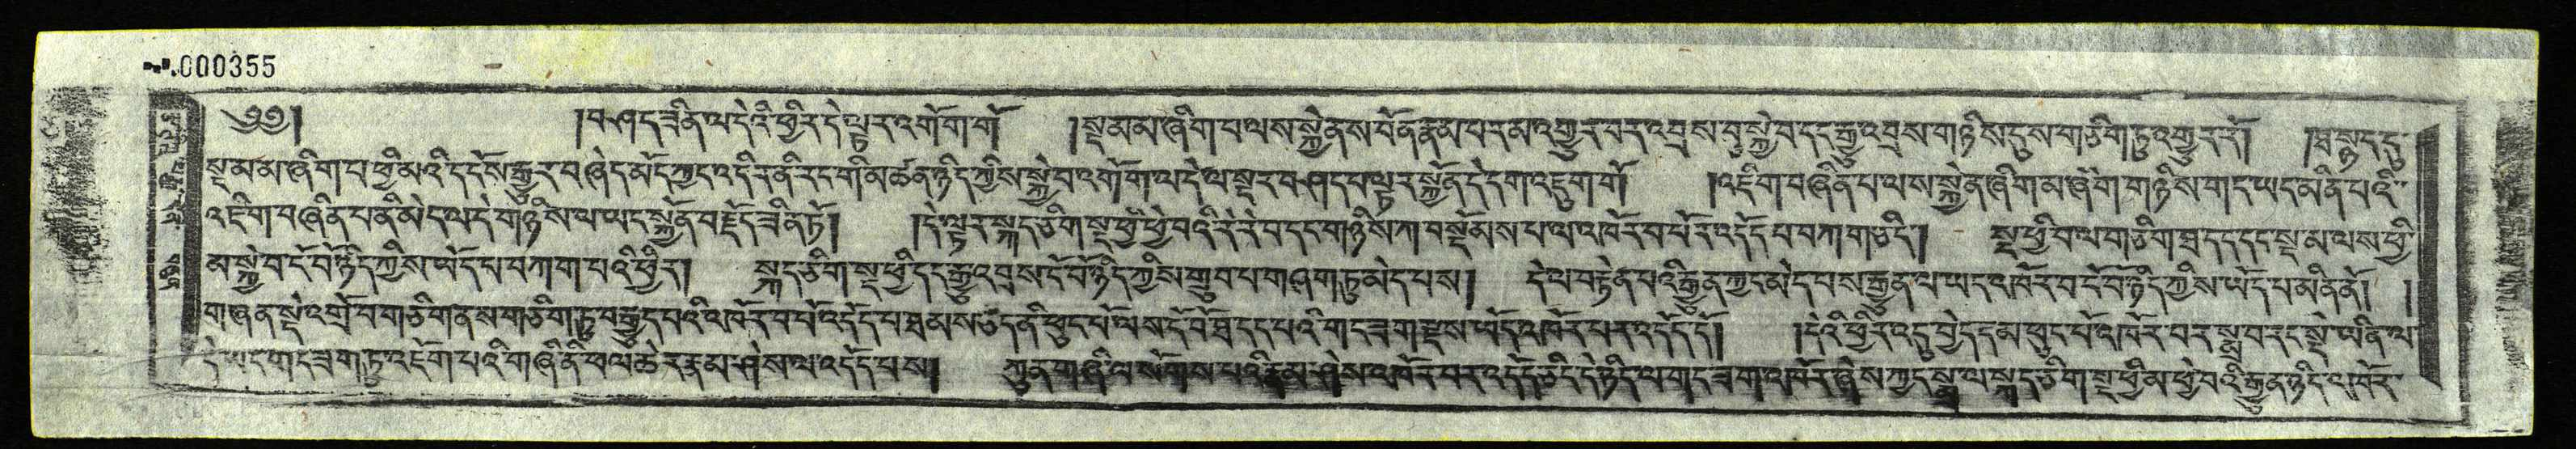༄༅། །བཤད་ཟིན་ལ་དེའི་ཕྱིར་དེ་ལྟར་འགོག་གོ །སྔ་མ་མ་ཞིག་པ་ལས་སྐྱེན་ས་བོན་རྣམ་པར་མ་འགྱུར་བར་འབྲས་བུ་སྐྱེ་བ་དང་རྒྱུ་འབྲས་གཉིས་དུས་གཅིག་ཏུ་འགྱུར་རོ། །ཐ་སྙད་དུ་
སྔ་མ་མ་ཞིག་པ་ཕྱི་མའི་དངོས་རྒྱུར་བཞེད་མོད་ཀྱང་འདིར་ནི་རང་གི་མཚན་ཉིད་ཀྱིས་སྐྱེ་བ་འགོག་ལ་དེ་ལ་སྔར་བཤད་པ་ལྟར་སྐྱོན་དེ་དག་འཇུག་གོ །འཇིག་བཞིན་པ་ལས་སྐྱེན་ཞིག་མ་ཞིག་གཉིས་གང་ཡང་མིན་པའི་
འཇིག་བཞིན་པ་ནི་མེད་ལ་དེ་གཉིས་ལ་ཡང་སྐྱོན་བརྗོད་ཟིན་ཏོ། །དེ་ལྟར་སྐད་ཅིག་སྔ་ཕྱི་ཕྱེ་བའི་རེ་རེ་བ་དང་གཉིས་ཀ་བསྡོམས་པ་ལ་འཁོར་བ་པོར་འདོད་པ་བཀག་ཅིང་། སྔ་ཕྱི་བ་ལ་གཅིག་ཐ་དད་དང་སྔ་མ་ལས་ཕྱི་
མ་སྐྱེ་བ་ངོ་བོ་ཉིད་ཀྱིས་ཡོད་པ་བཀག་པའི་ཕྱིར། སྐད་ཅིག་སྔ་ཕྱི་དང་རྒྱུ་འབྲས་ངོ་བོ་ཉིད་ཀྱིས་གྲུབ་པ་གཞག་ཏུ་མེད་པས། དེ་ལ་བརྟེན་པའི་རྒྱུན་ཀྱང་མེད་པས་རྒྱུན་ལ་ཡང་འཁོར་བ་ངོ་བོ་ཉིད་ཀྱིས་ཡོད་པ་མིན་ནོ། །
གཞན་སྡེ་འགྲོ་བ་གཅིག་ནས་གཅིག་ཏུ་བརྒྱུད་པའི་འཁོར་བ་པོ་འདོད་པ་ཐམས་ཅད་ནི་ཕུང་པོ་ལས་ངོ་བོ་ཐ་དད་པའི་གང་ཟག་རྫས་ཡོད་འཁོར་བར་འདོད་དོ། །དེའི་ཕྱིར་འདུ་བྱེད་དམ་ཕུང་པོ་འཁོར་བར་སྨྲ་བ་རང་སྡེ་ཡིན་ལ་
དེ་ཡང་གང་ཟག་ཏུ་འཇོག་པའི་གཞི་ནི་ཕལ་ཆེར་རྣམ་ཤེས་ལ་འདོད་པས། ཀུན་གཞི་ལ་སོགས་པའི་རྣམ་ཤེས་འཁོར་བར་འདོད་ཅིང་དེ་ཉིད་ལ་གང་ཟག་འཁོར་ཞེས་ཀྱང་སྨྲ་ལ་སྐད་ཅིག་སྔ་ཕྱི་མ་ཕྱེ་བའི་རྒྱུན་ཉིད་འཁོར་